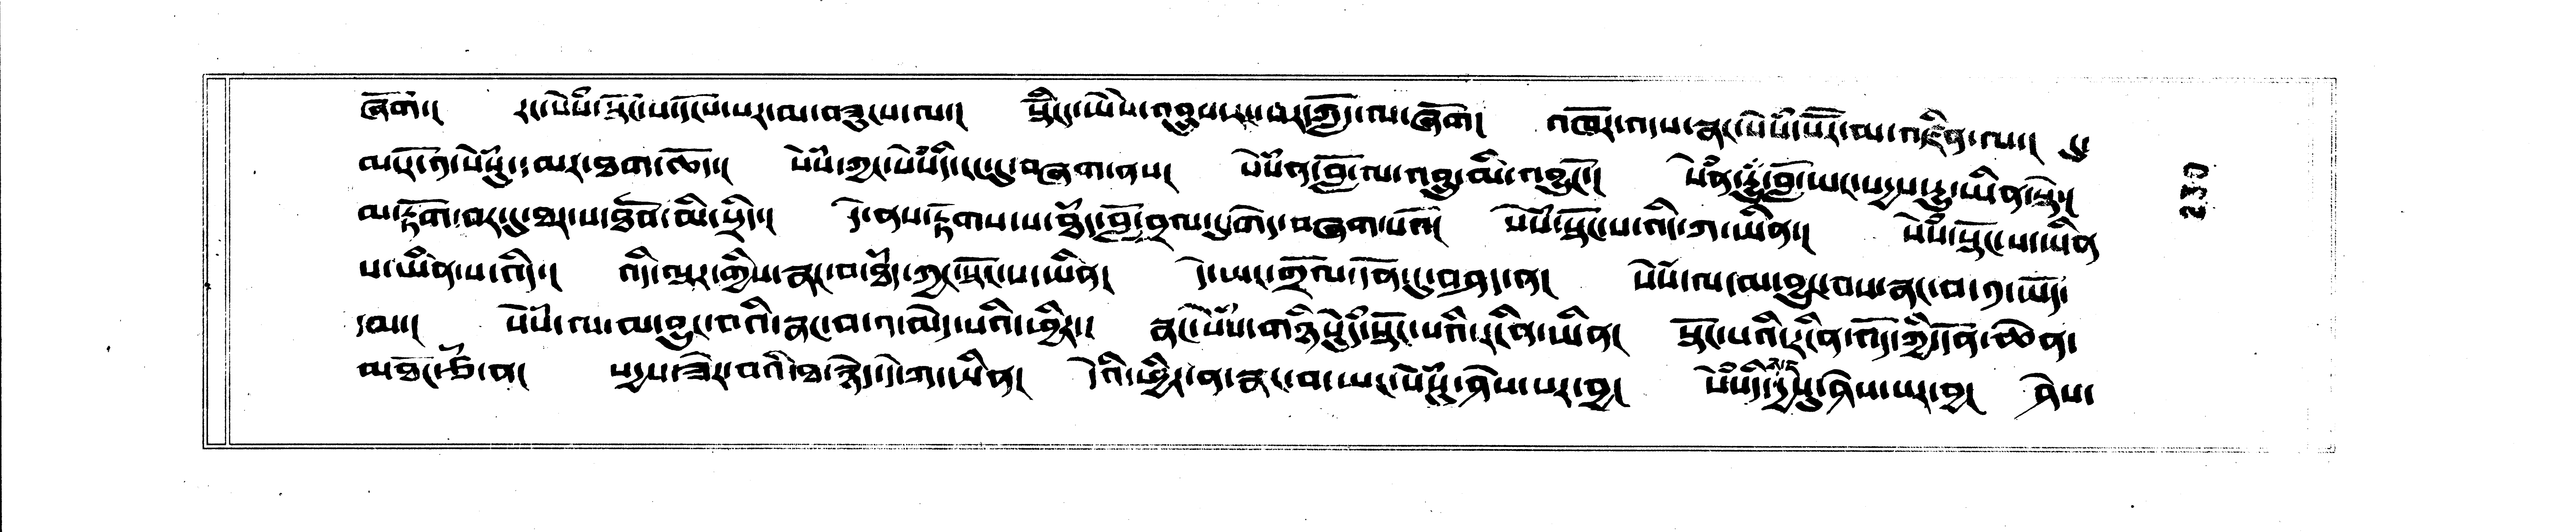ཞོག རང་སེམས་སྟོང་པ་དངོས་པོར་མ་བཟུང་ལ། སྟོང་ཉིད་ཡེ་ཤེས་འབྲས་བུ་ཀློད་ལ་ཞོགས། འཁོར་འདས་སྣང་སེམས་སོ་སོར་མ་འཛིན་ལ། དུ་
མ་རོ་གཅིག་སེམས་སུ་དམར་ཐག་ཆོད། སེམས་ཀྱང་སེམས་ཉིད་ཀྱི་ངང་དུ་མ་བཞག་ན། སེམས་ཅན་བློ་ལ་འབྲས་བུ་མི་འབྱུང་ངོ་། སེམས་ཅན་བློ་ཡང་སངས་རྒྱས་རྒྱུ་ཡིན་ཏེ། 
མ་རྟོགས་བར་དུ་ཐར་པ་ཐོབ་མི་སྲིད། དེ་ནས་རྟོག་པ་ཐམས་ཅད་བློ་བྲལ་དུ་ཀད་དེ་བཞག་པའོ། སེམས་སྟོང་པ་འདི་ཀ་ཡིན། སེམས་སྟོང་པ་ཡིན
་པས་ན། འདི་ལྟར་གྱི་སྣང་བ་ཐམས་ཅད་ཀྱང་སྟོང་པ་ཡིན། དེ་ཡང་བཀྲོལ་དོན་དུ་བཤད་ན། སེམས་ལ་མ་བྱུང་བའི་སྣང་བ་གཅིག་ཡོད་
དམ། སེམས་ལས་མ་བྱུང་སྣང་བ་མེད་པའི་ཕྱིར། སྣང་སེམས་གཉིས་མེད་སྟོང་པའི་རང་བཞིན་ཡིན། སྟོང་པ་རང་བཞིན་གྱི་དོན་ཆེན་
མཐོང་ཙམ་ན། སངས་རྒྱས་ཟེར་བའི་ཐ་སྙད་དེ་ཀ་ཡིན། དེའི་ཕྱིར་ན་སྣང་བ་ཡང་སེམས་སུ་ཤེས་པར་བྱ། སེམས་ཉིད་སངས་རྒྱས་སུ་ཤེས་པར་བྱ། ཤེས་